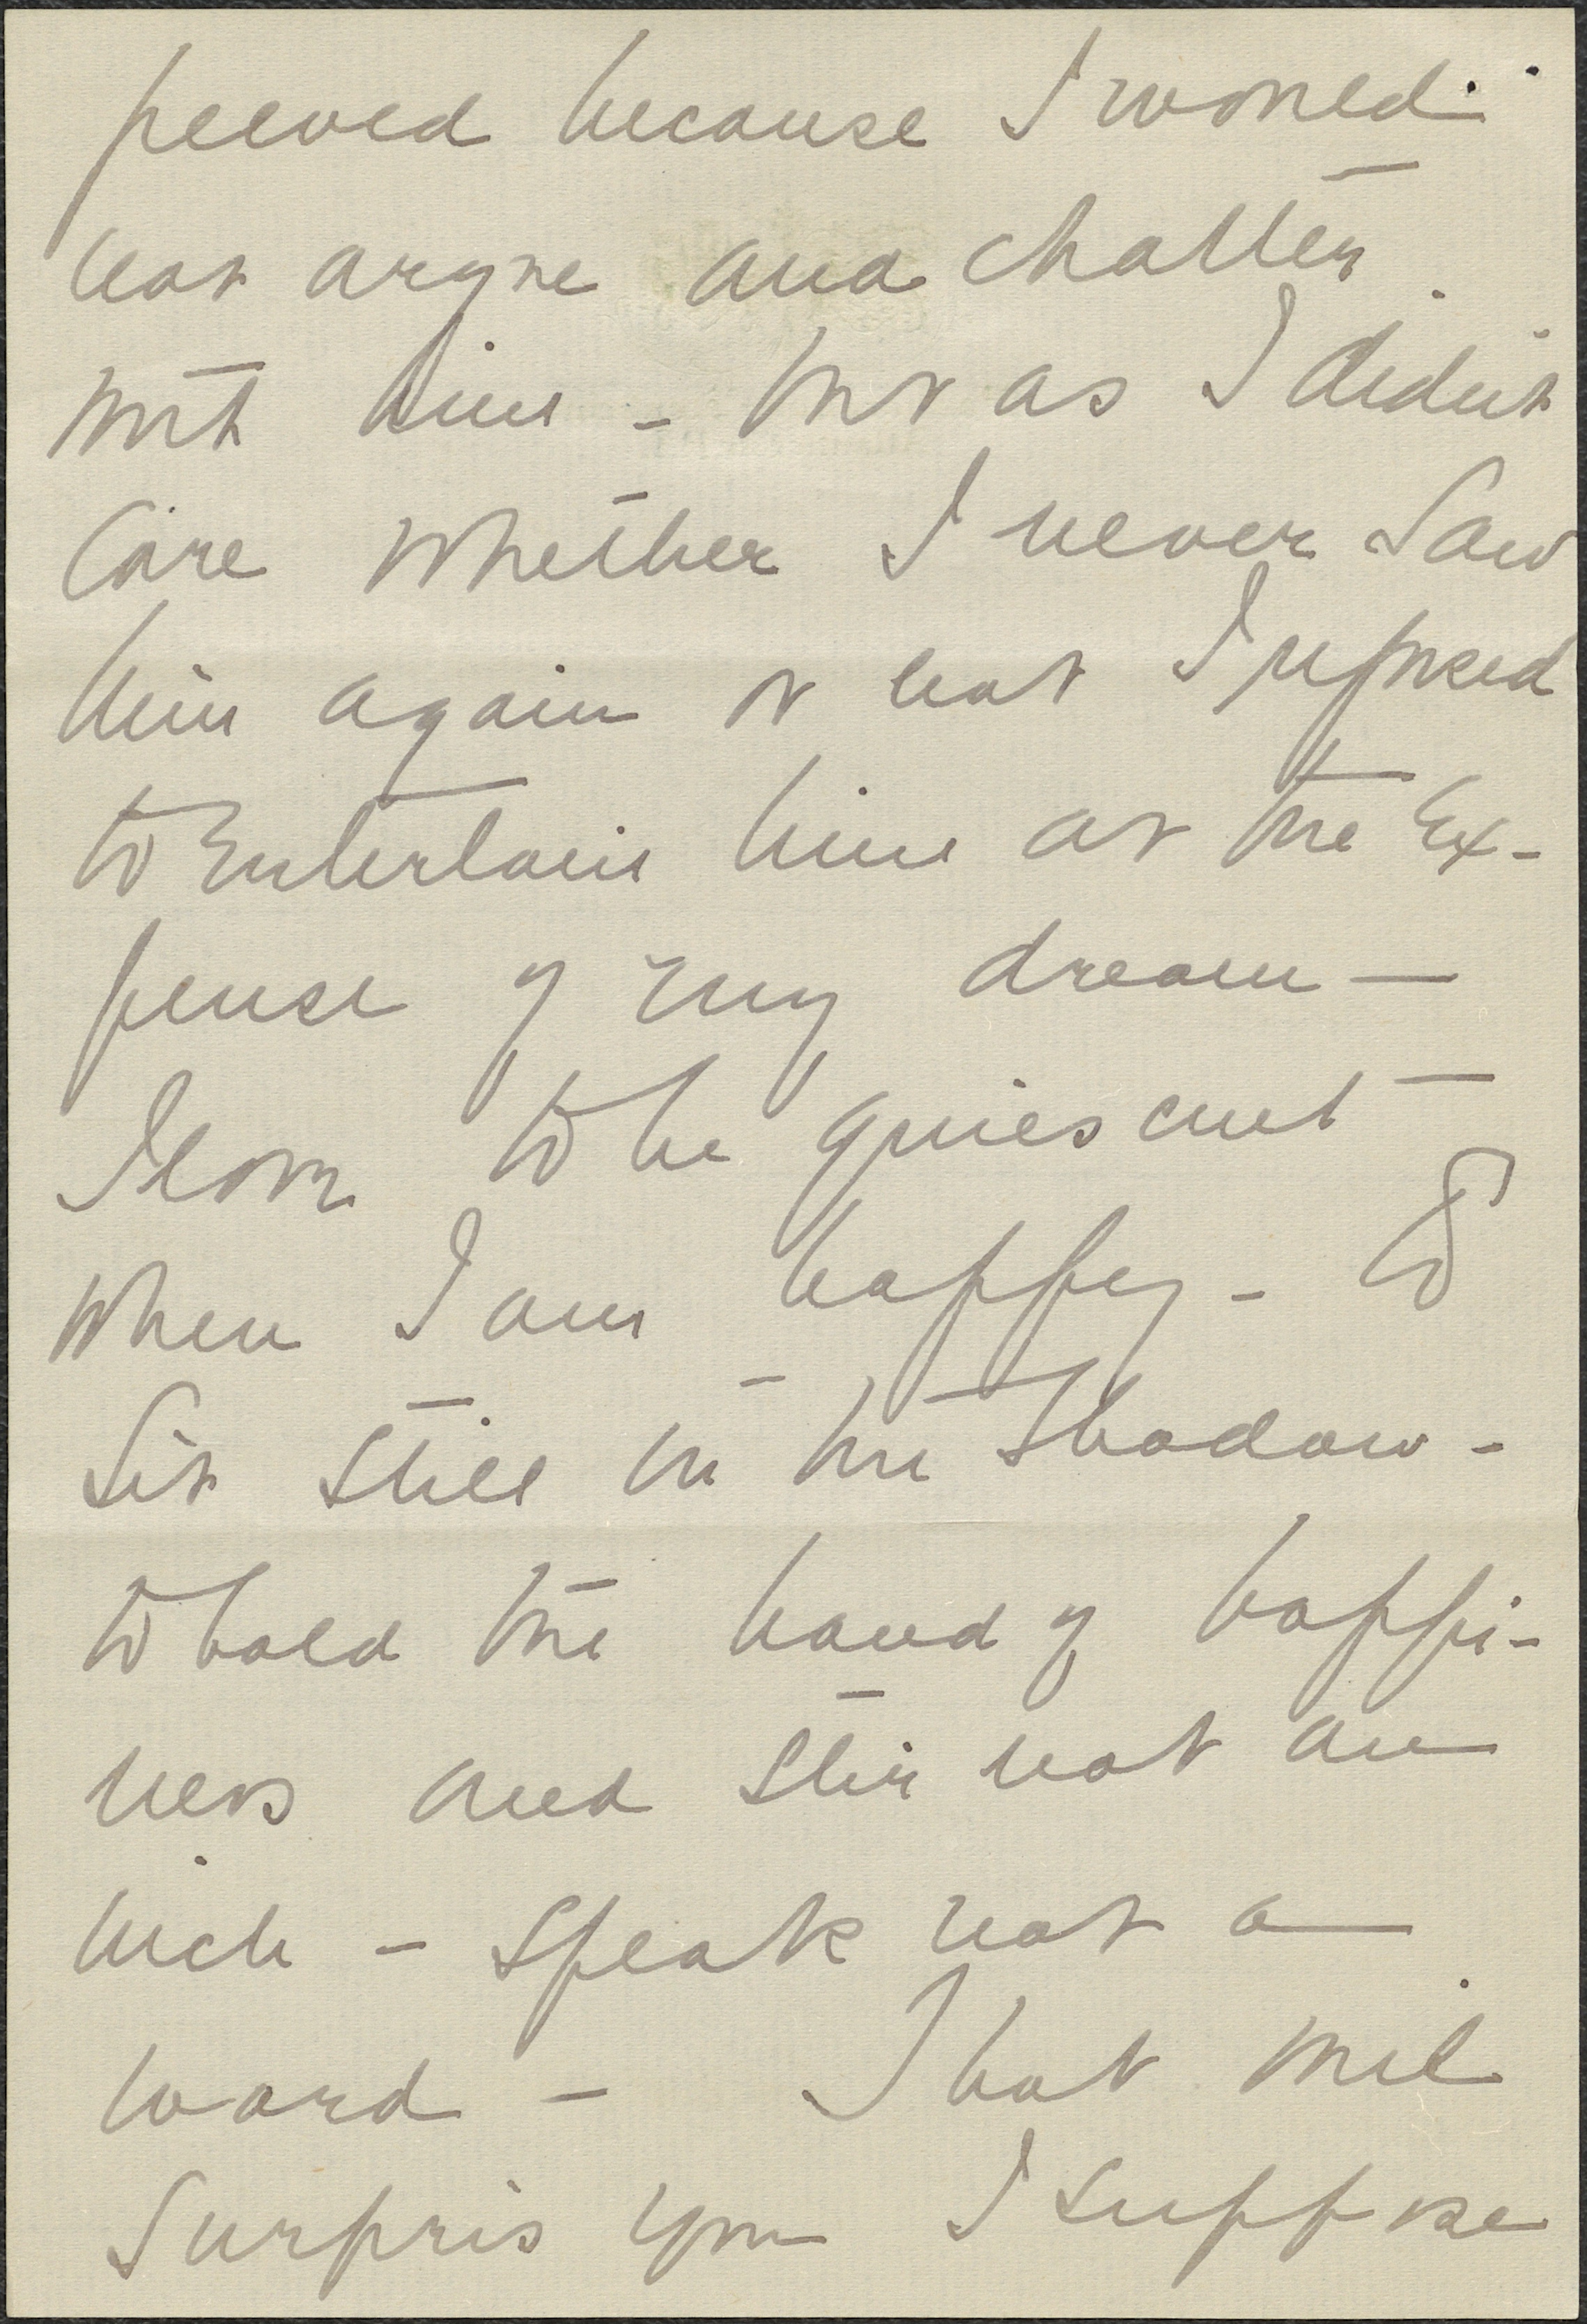peeved because I would not argue and chatter with him – but as I didn’t care whether I never saw him again or that I refused to entertain him at the expense of my dream – I love to be quiescent when I am happy – to sit still in the shadow – to hold the hand of happiness and stir not an inch – speak not a word – That will surprise you I suppose